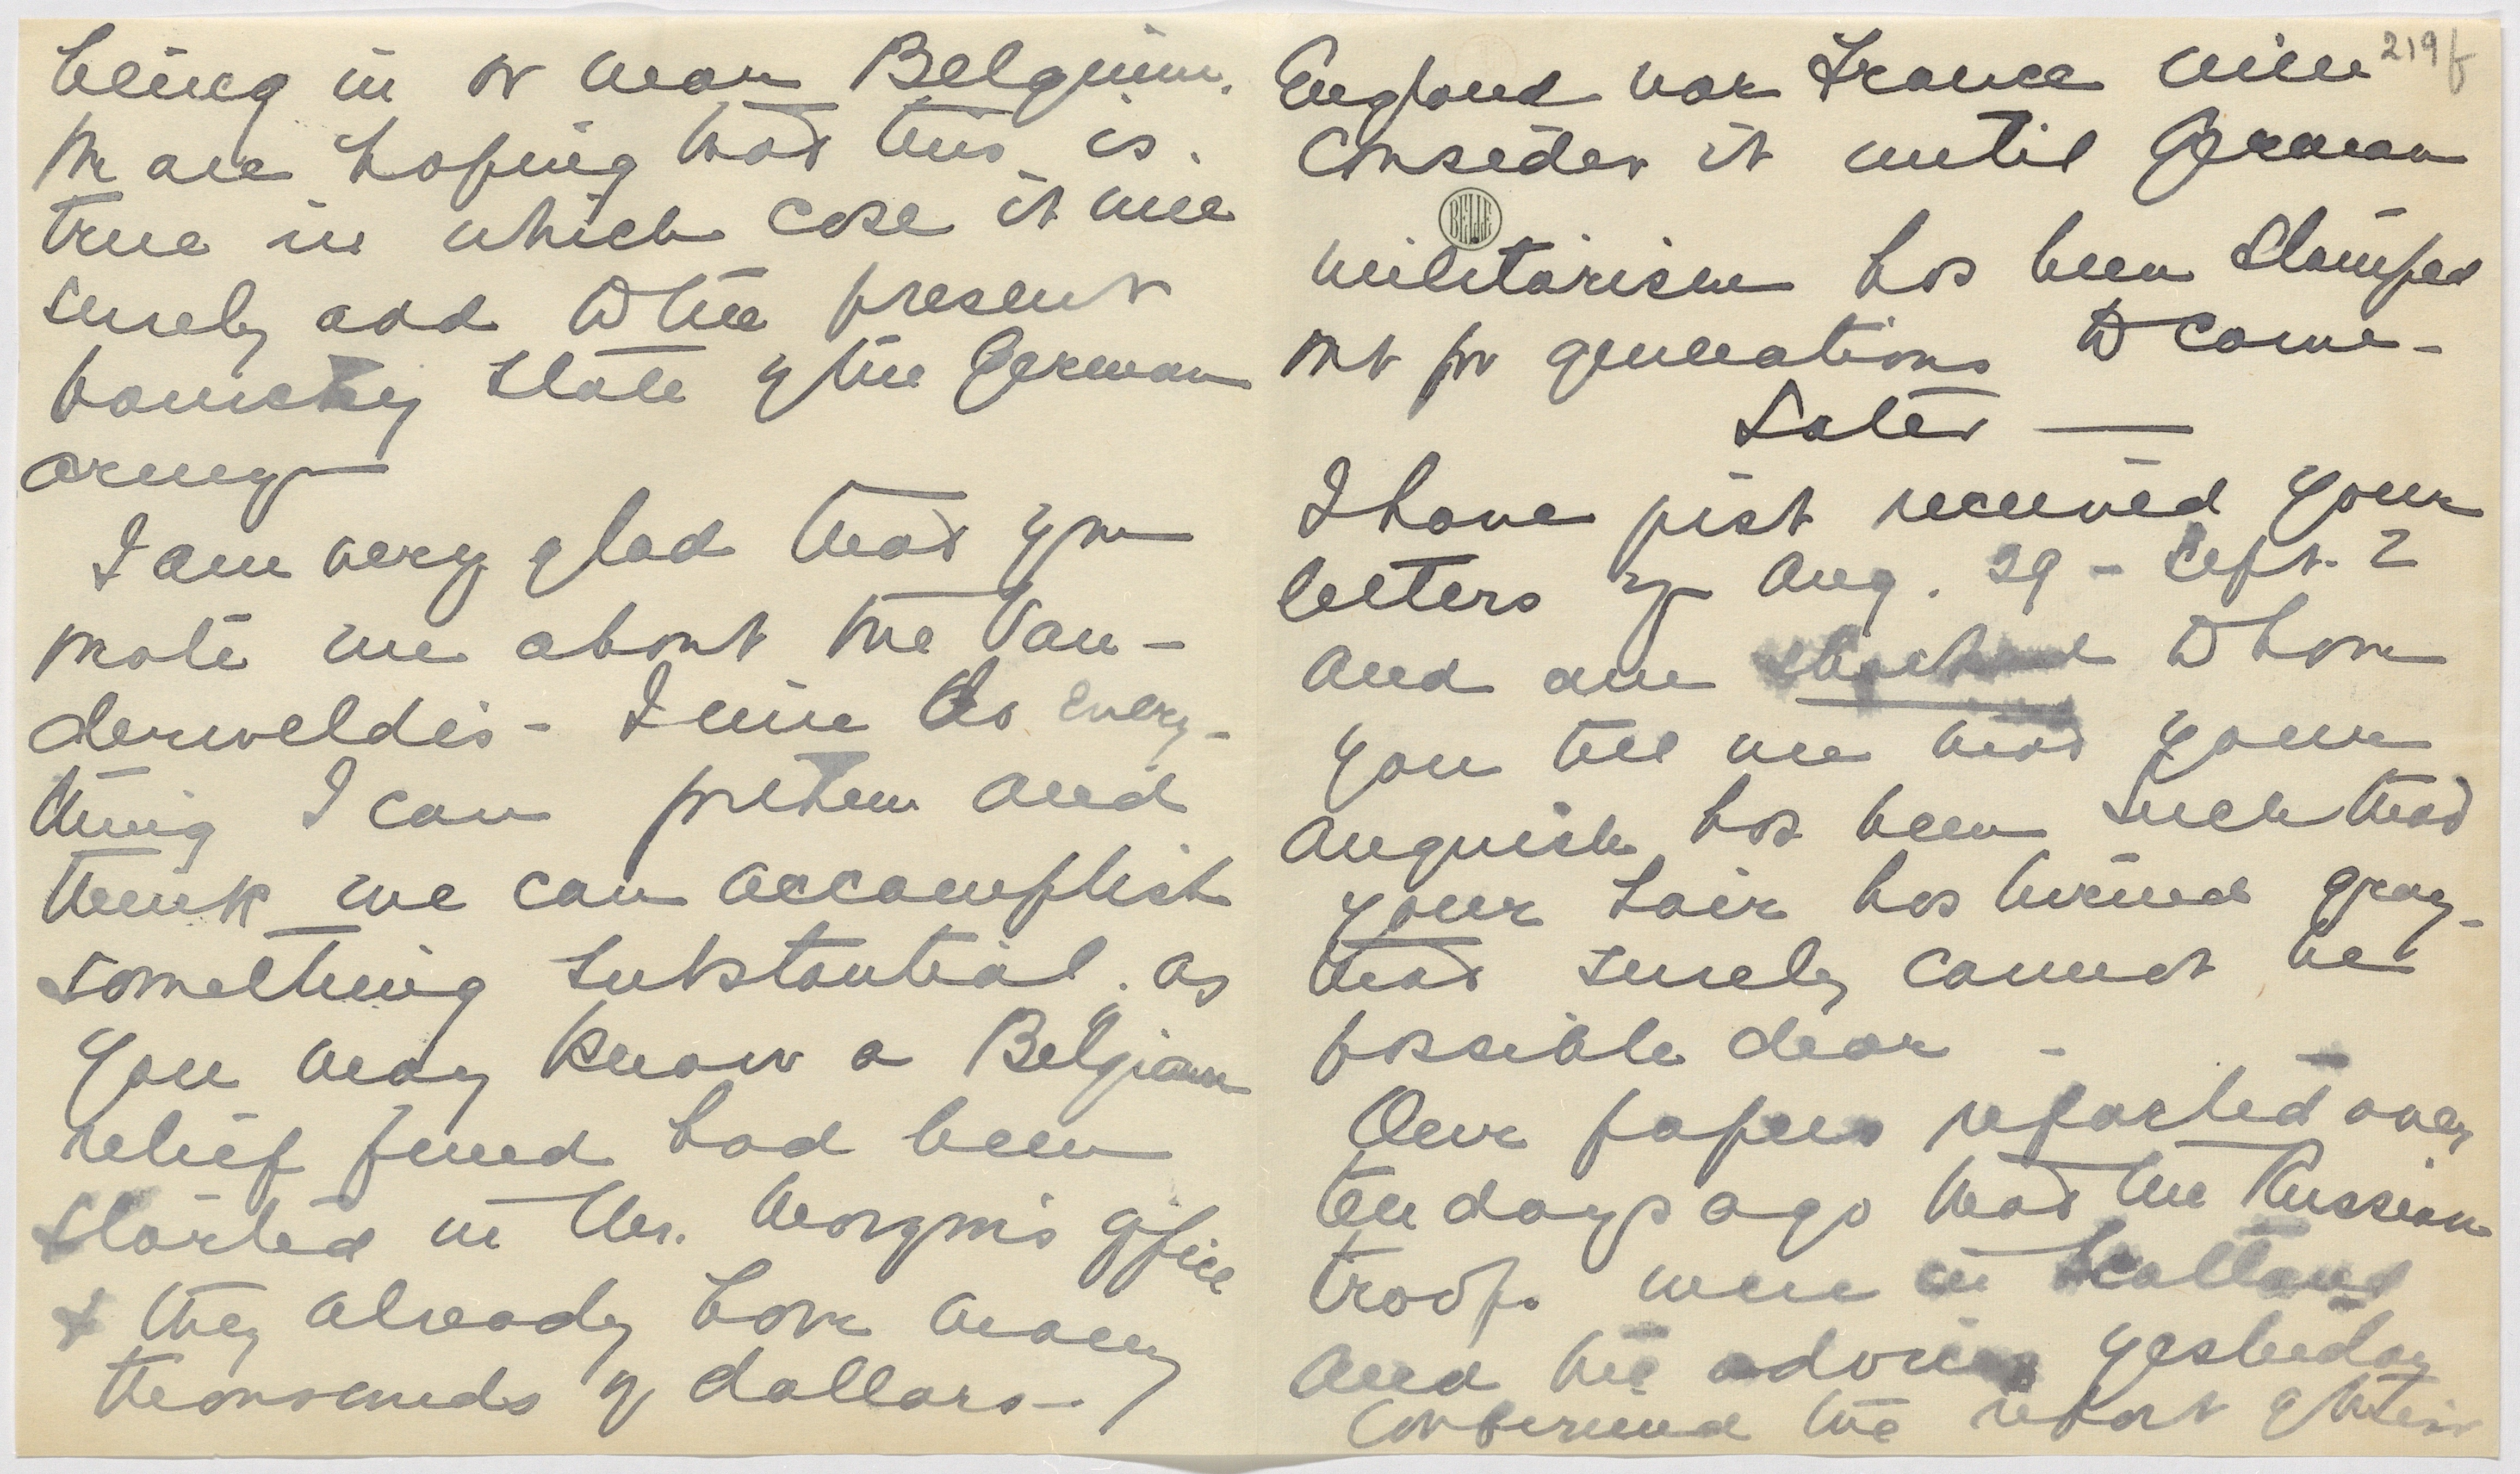England nor France will consider it until German militarism has been stamped out for generations to come –
Later –
I have just received your letters of Aug. 29 – Sept. 2 and am shocked to have you tell me that your anguish has been such that your hair has turned gray – that surely cannot be possible dear –
Our papers reported over ten days ago that the Russian troops were in Scotland and the advices yesterday confirmed the report of their
being in or near Belgium. We are hoping that this is true in which case it will surely add to the present panicky state of the German army –
I am very glad that you wrote me about the Vanderwelde’s – I will do everything I can for them and think we can accomplish something substantial as you may know a Belgian relief fund had been started in Mr. Morgan’s office & they already have many thousands of dollars –